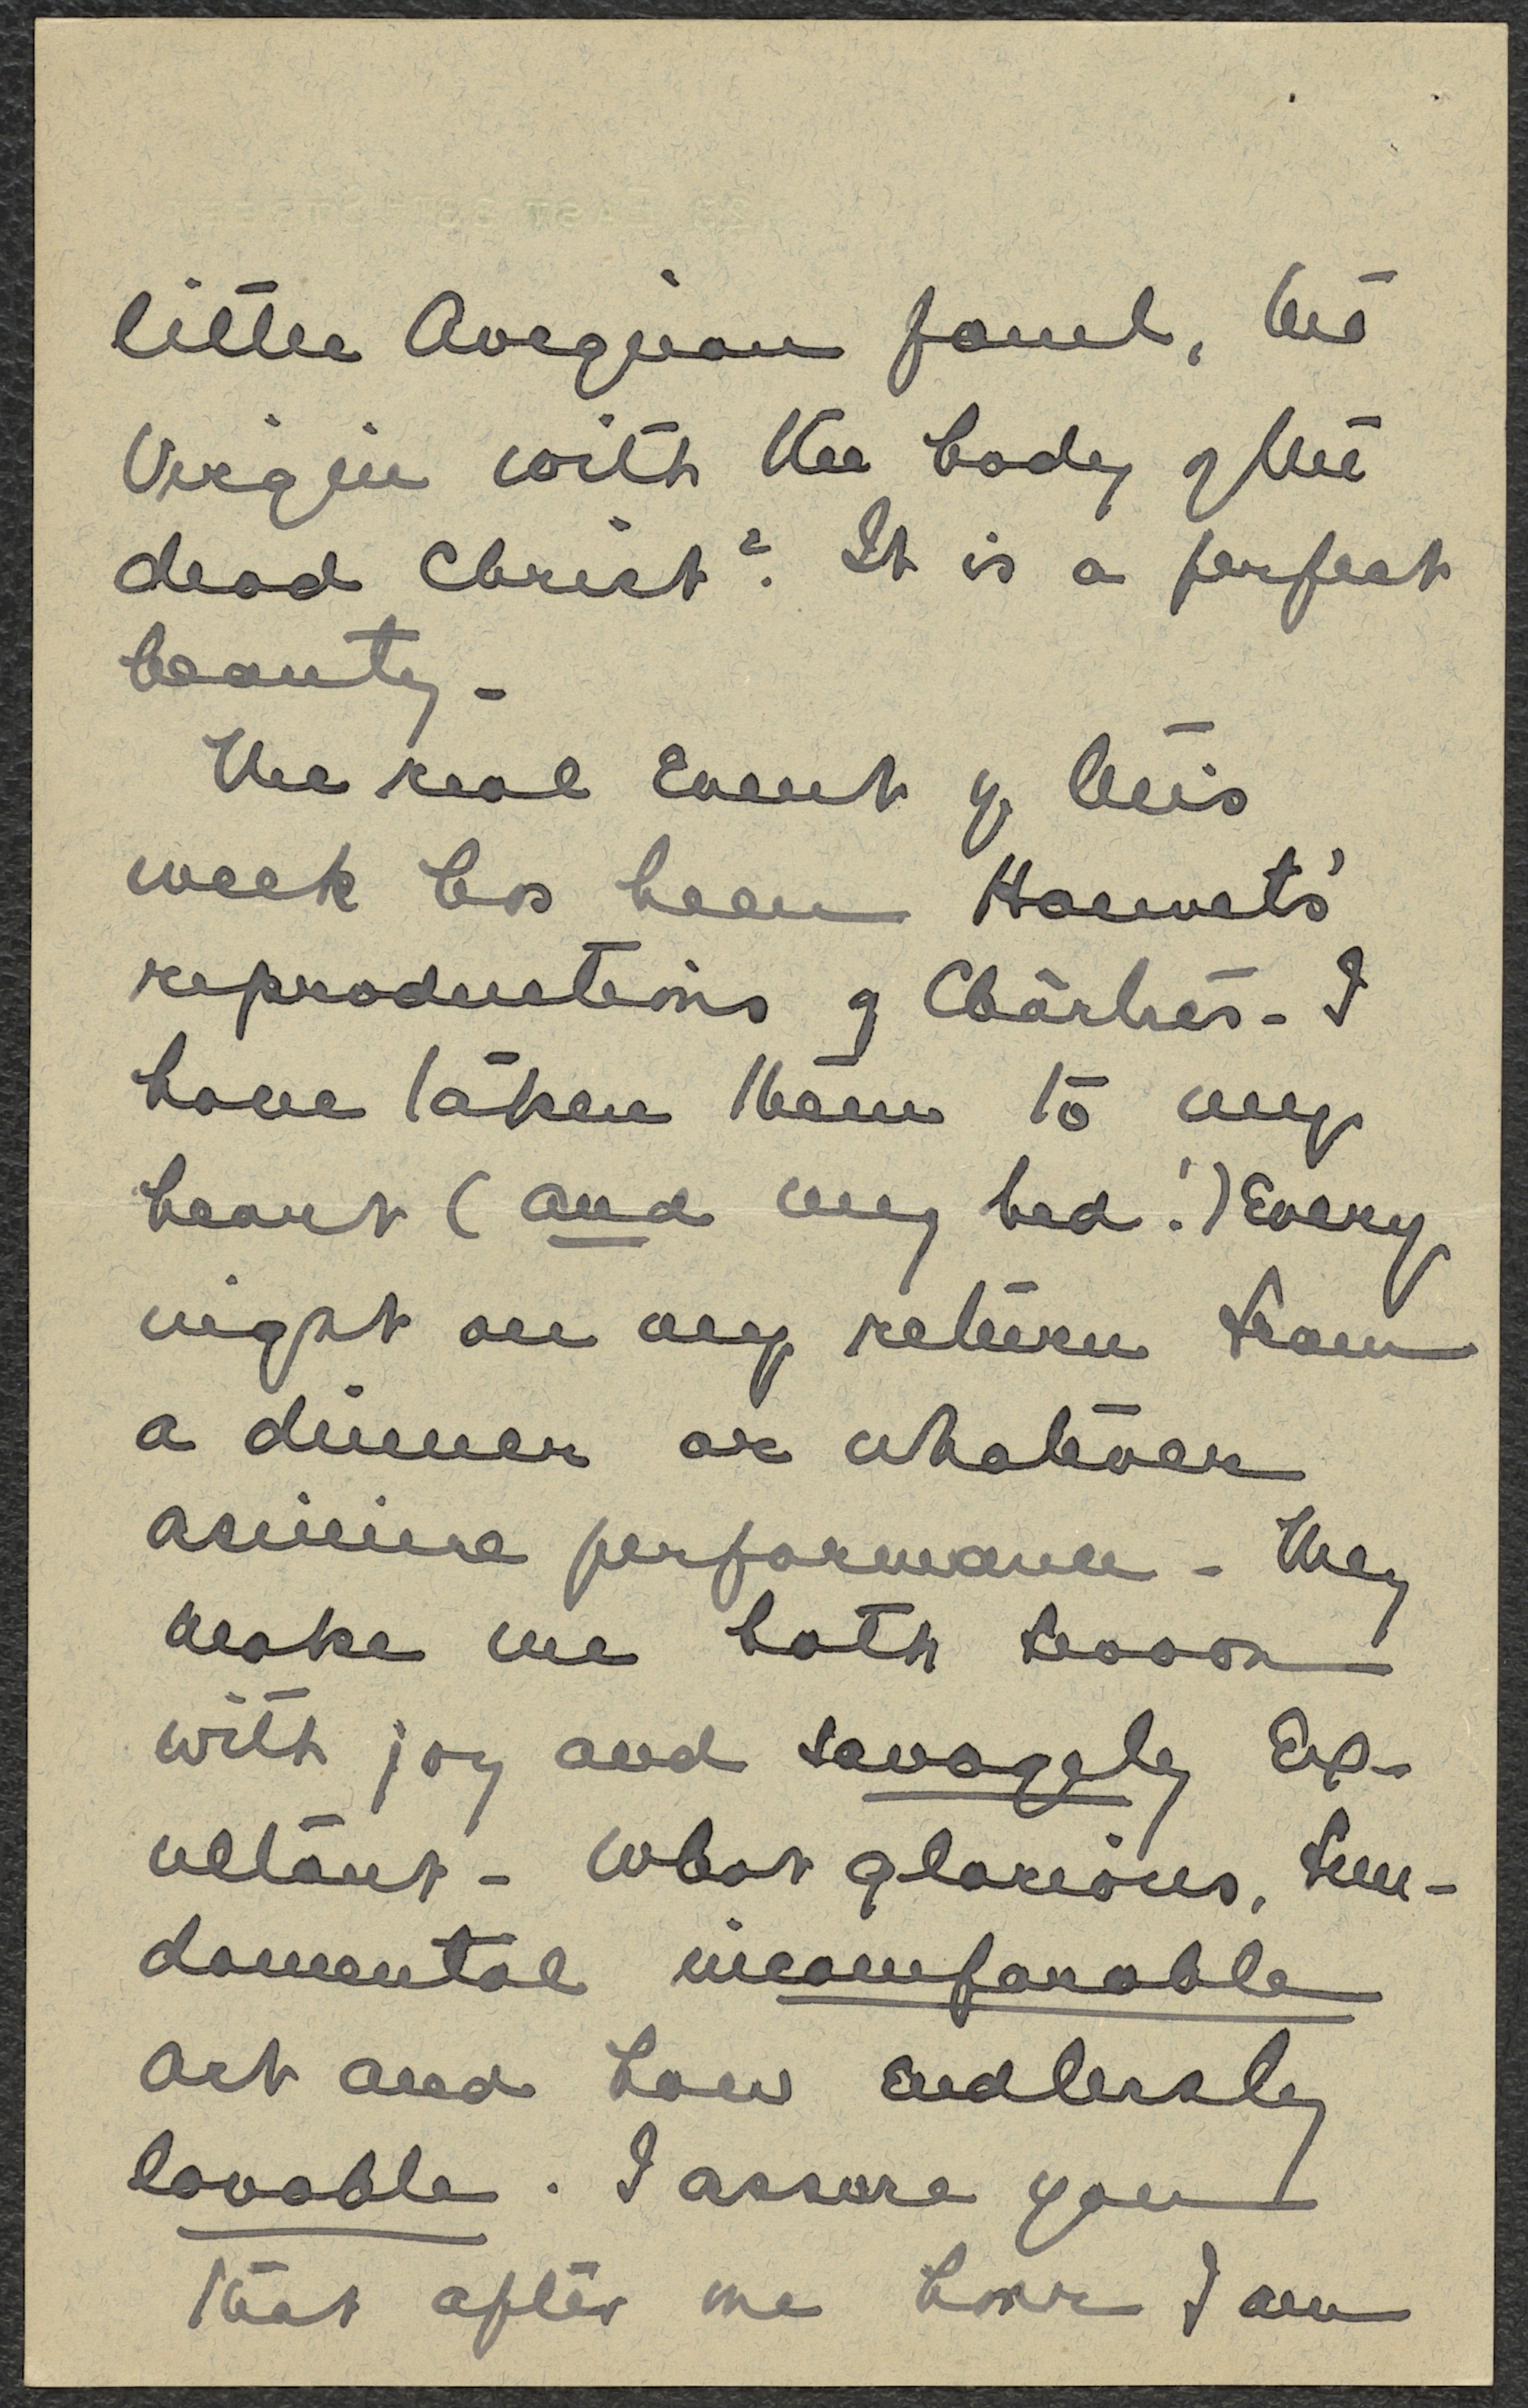little Avegian fowl, the Virgin with the body of the dead Christ? It is a perfect beauty –
The real event of this week has been Houvet's reproductions of Chartres – I have taken them to my heart (and my bed!) Every night on my return from a dinner or whatever asinine performance – They make me both swoon with joy and savagely exultant – What glorious, fundamental incomparable art and how endlessly lovable. I assure you that after one hour I am